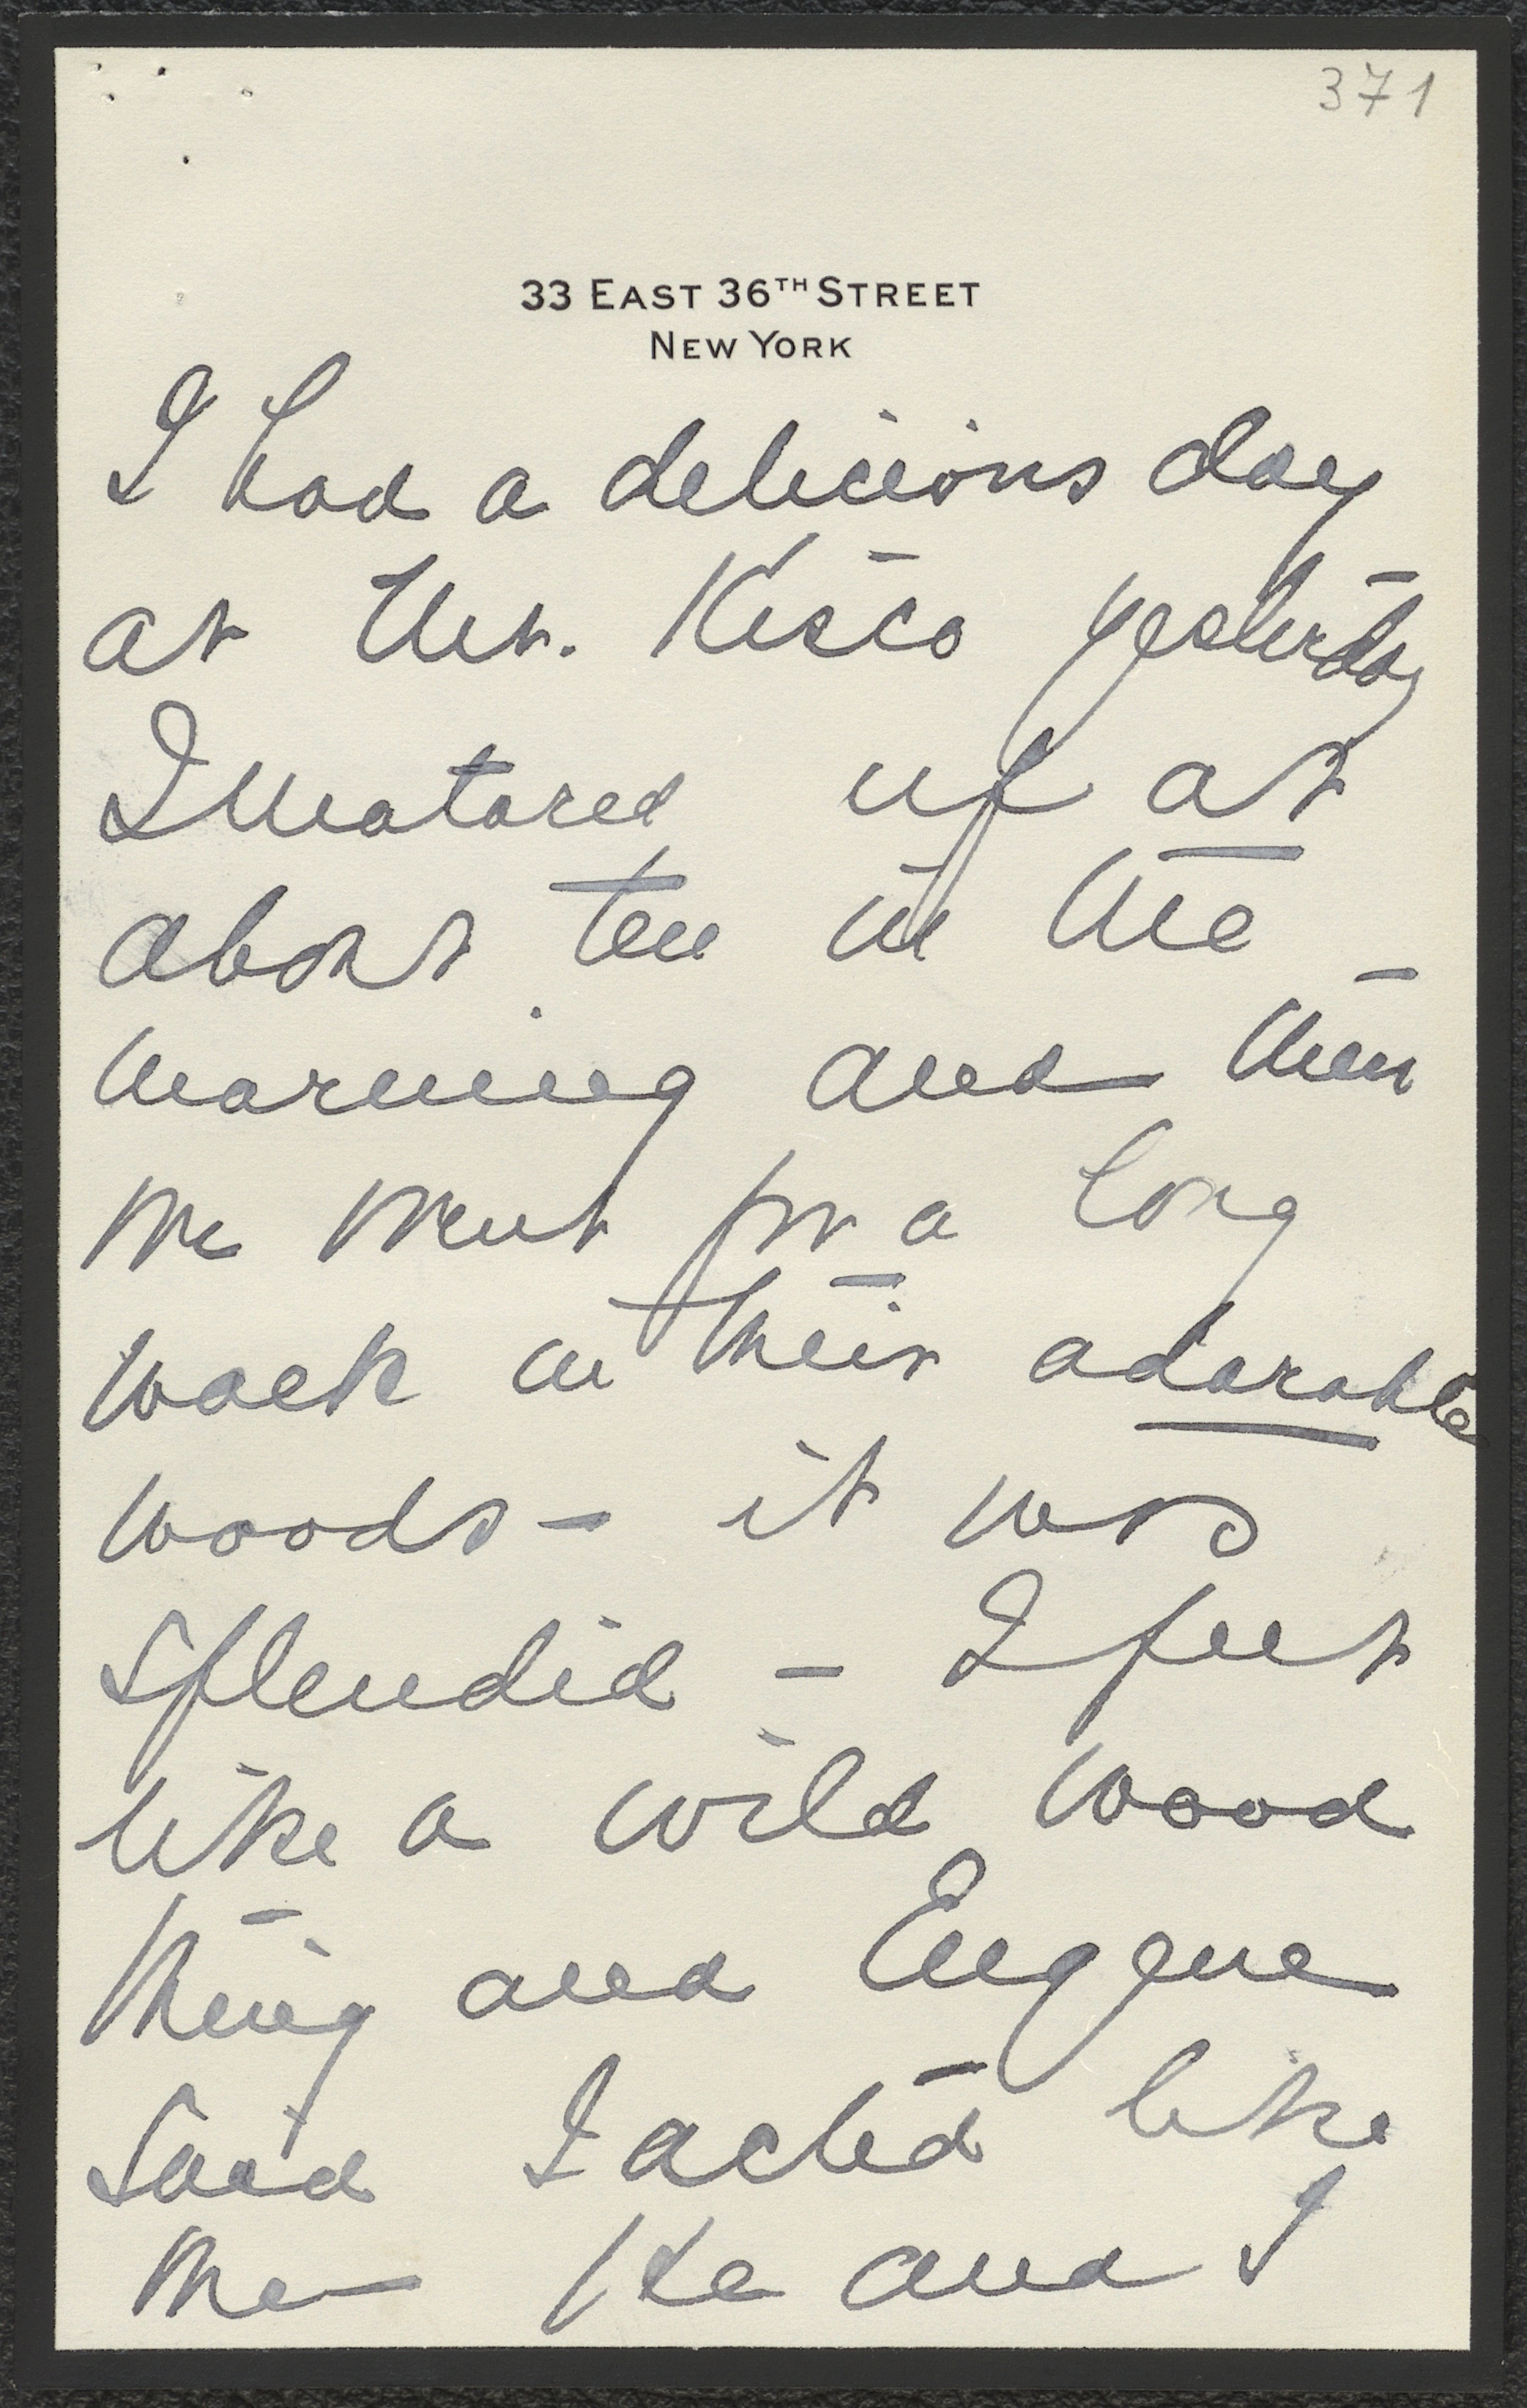I had a delicious day at Mt. Kisco yesterday I motored up at about ten in the morning and then we went for a long walk in their adorable woods – it was splendid – I felt like a wild wood thing and Eugene said I acted like one – He and I